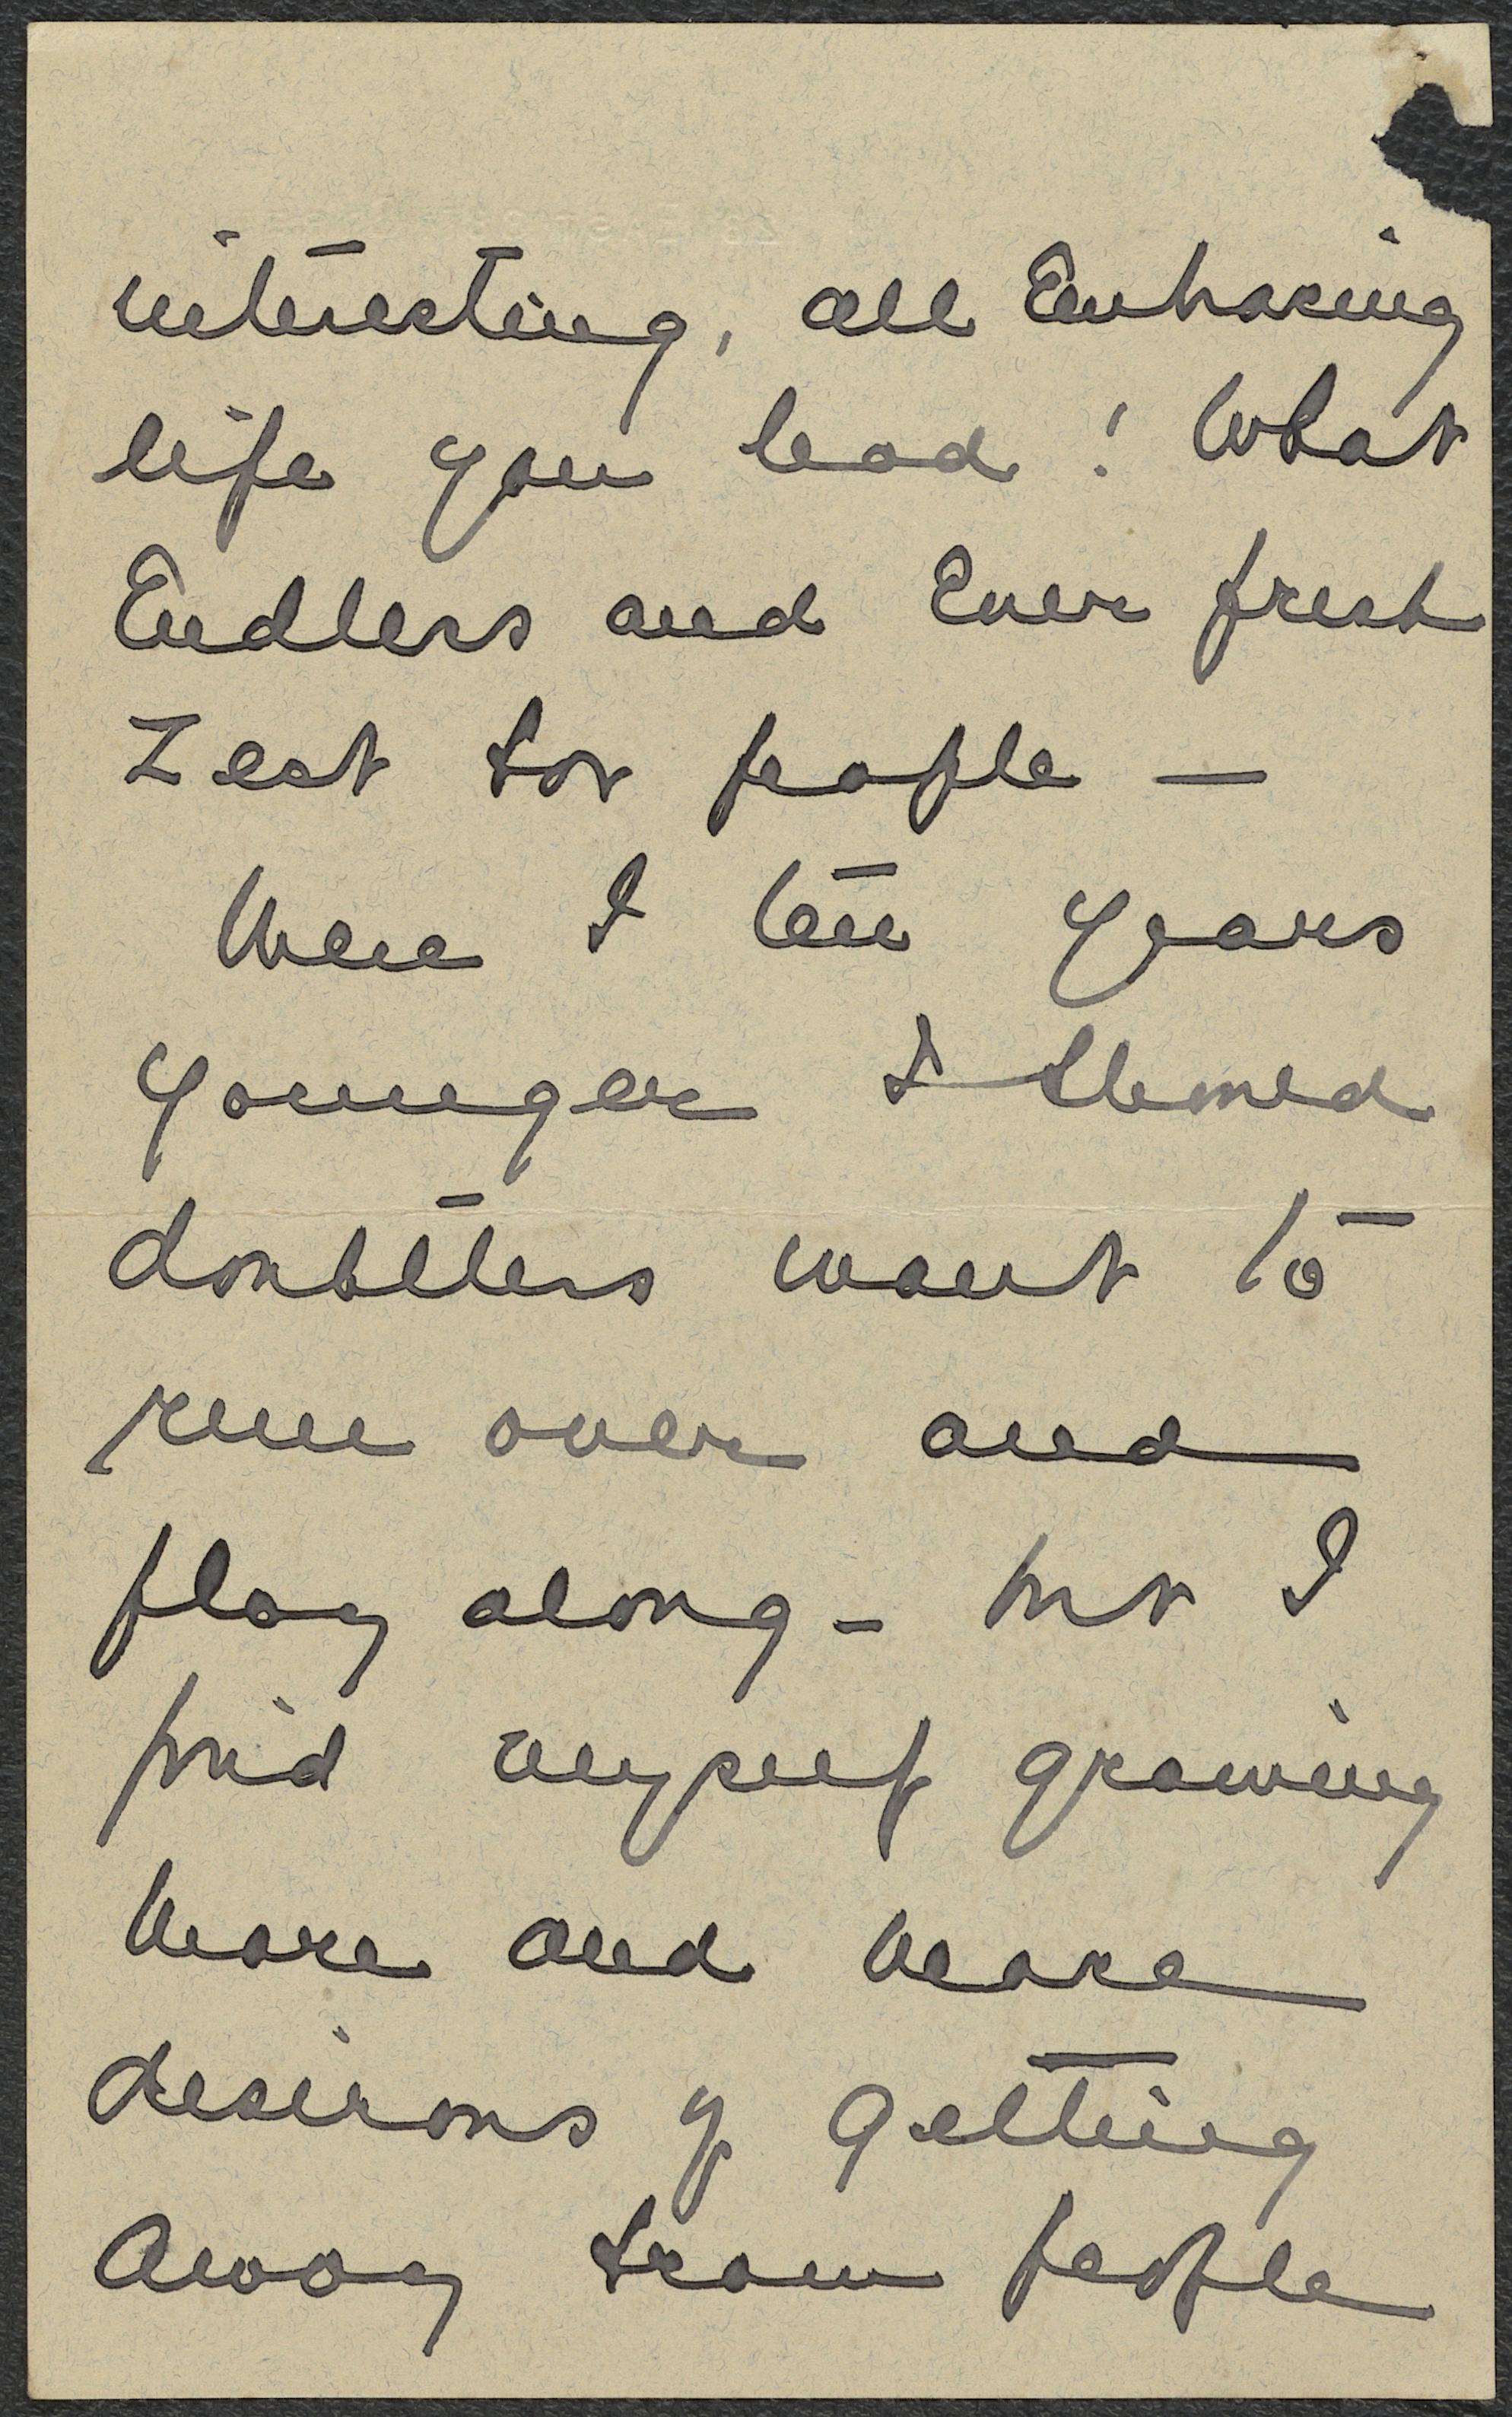interesting, all embracing life you lead! What endless and ever fresh zest for people –
Were I ten years younger I should doubtless want to run over and play along – but I find myself growing more and more desirous of getting away from people